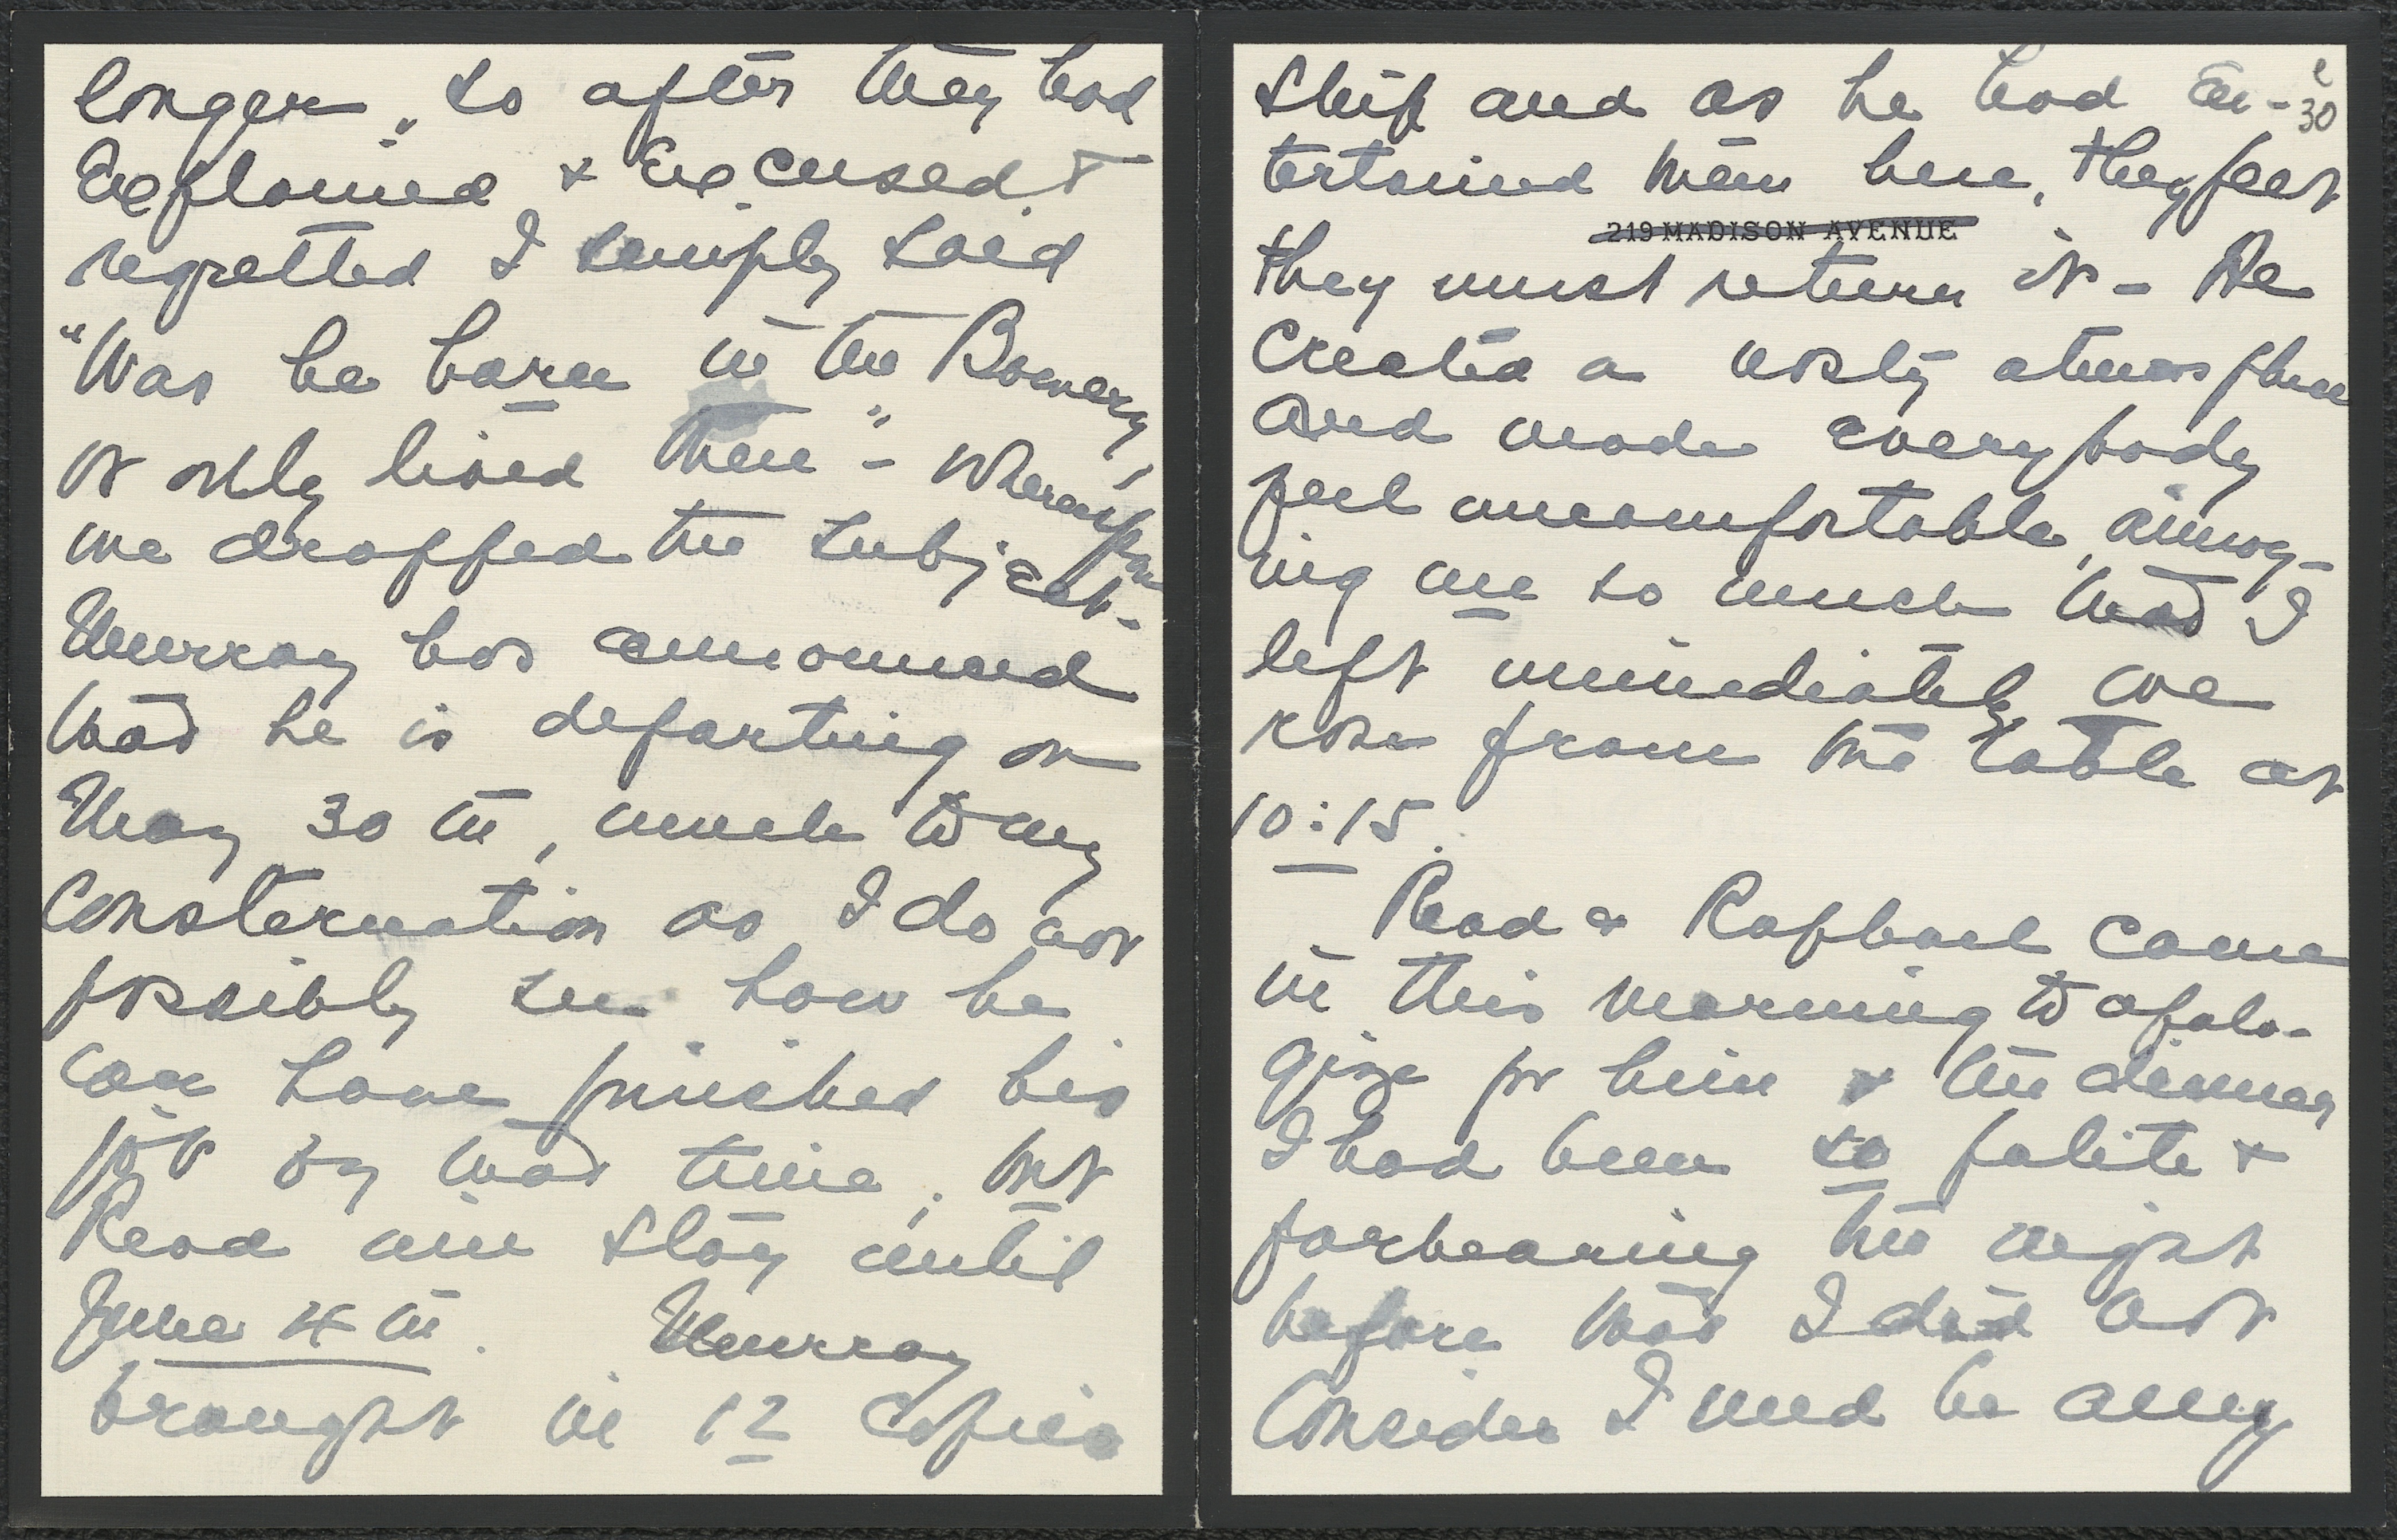ship and as he had entertained them here, they felt they must return it – He created a nasty atmosphere and made everybody feel uncomfortable, annoying me so much that I left immediately we rose from the table at 10:15
Read & Raphael came in this morning to apologize for him & the dinner I had been so polite & forbearing the night before that I did not consider I need be any
longer. So after they had explained & excused & regretted I simply said "Was he born in the Bowery, or only lived there" – Whereupon we dropped the subject – Murray has announced that he is departing on May 30th, much to my consternation as I do not possibly see how he can have finished his job by that time; but Read will stay until June 4th. Murray brought in 12 copies